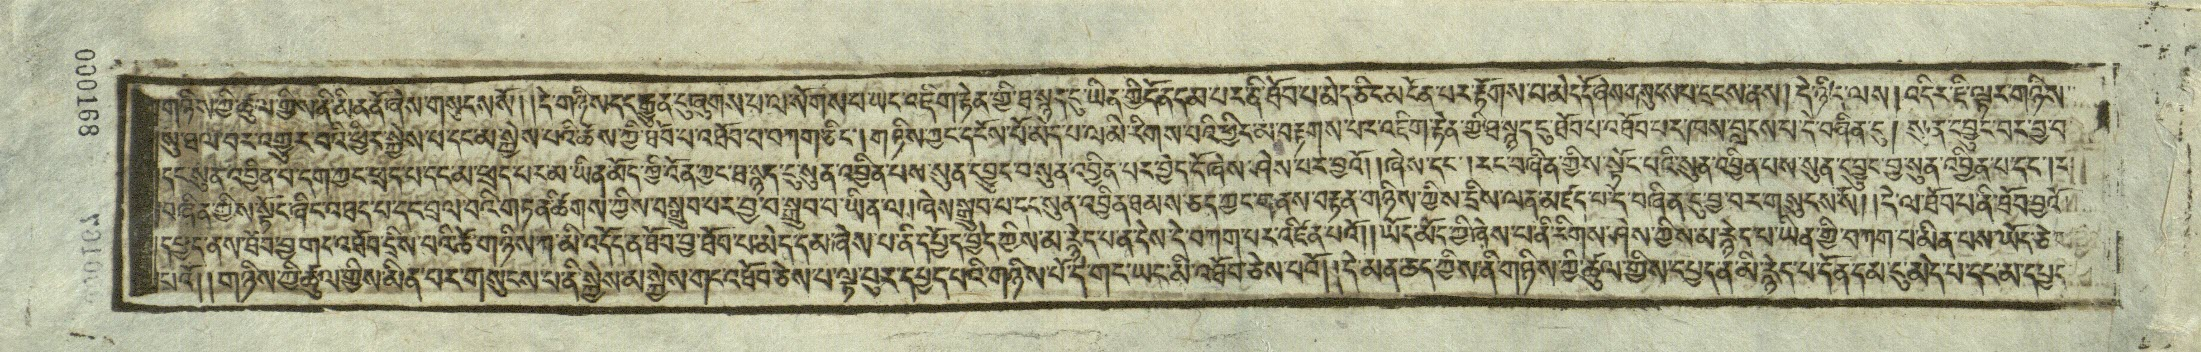གཉིས་ཀྱི་ཚུལ་གྱིས་ནི་མིན་ནོ་ཞེས་གསུངས་སོ། །དེ་གཉིས་དང་རྒྱུན་དུ་ཞུགས་པ་ལ་སོགས་པ་ཡང་འཇིག་རྟེན་གྱི་ཐ་སྙད་དུ་ཡིན་གྱི་དོན་དམ་པར་ནི་ཐོབ་པ་མེད་ཅིང་མངོན་པར་རྟོགས་པ་མེད་དོ་ཞེས་གསུངས་པ་དྲངས་ནས། དེ་ཉིད་ལས། འདིར་ཇི་ལྟར་གཉིས་
སུ་ཐལ་བར་འགྱུར་བའི་ཕྱིར་སྐྱེས་པ་དང་མ་སྐྱེས་པའི་ཆོས་ཀྱི་ཐོབ་པ་འཐོབ་པ་བཀག་ཅིང་། གཉིས་ཀྱང་དངོས་པོ་མེད་པ་ལ་མི་རིགས་པའི་པྱིར་མ་བརྟགས་པར་འཇིག་རྟེན་གྱི་ཐ་སྙད་དུ་ཐོབ་པ་འཐོབ་པར་ཁས་བླངས་པ་དེ་བཞིན་དུ། སུན་དབྱུང་བར་བྱ་བ་
དང་སུན་འབྱིན་པ་དག་ཀྱང་ཕྲད་པ་དང་མ་ཕྲད་པར་མ་ཡིན་མོད་ཀྱི་འོན་ཀྱང་ཐ་སྙད་དུ་སུན་འབྱིན་པས་སུན་དབྱུང་བྱ་སུན་འབྱིན་པར་བྱད་དོ་ཞེས་ཤེས་པར་བྱའོ། །ཞེས་དང་། རང་བཞིན་གྱིས་སྟོང་པའི་སུན་འབྱིན་པས་སུན་དབྱུང་བྱ་སུན་འབྱིན་པ་དང་། རང་
བཞིན་གྱིས་སྟོང་ཞིང་འཐད་པ་དང་བྲལ་བའི་གཏན་ཚིགས་ཀྱིས་བསྒྲུབ་པར་བྱ་བ་སྒྲུབ་པ་ཡིན་ལ། ཞེས་སྒྲུབ་པ་དང་སུན་འབྱིན་ཐམས་ཅད་ཀྱང་གནས་བརྟན་གཉིས་ཀྱིས་དྲིས་ལན་མཛད་པ་དེ་བཞིན་དུ་བྱ་བར་གསུངས་སོ། །དེ་ལ་ཐོབ་པ་ནི་ཐོབ་བྱའོ། །
དཔྱད་ནས་ཐོབ་བྱ་གང་འཐོབ་དྲིས་པའི་ཚེ་གཉིས་ཀ་མི་འདོད་ན་ཐོབ་བྱ་ཐོབ་པ་མེད་དམ་ཞེས་པ་ནི་དཔྱོད་བྱེད་ཀྱིས་མ་རྙེད་པ་ན་དེས་དེ་བཀག་པར་འཛིན་པའོ། །ཡོད་མོད་ཀྱི་ཞེས་པ་ནི་རིགས་ཤེས་ཀྱིས་མ་རྙེད་པ་ཡིན་གྱི་བཀག་པ་མིན་པས་ཡོད་ཅེས་
པའོ། །གཉིས་ཀྱི་ཚུལ་གྱིས་མིན་པར་གསུངས་པ་ནི་སྐྱེས་མ་སྐྱེས་གང་འཐོབ་ཅེས་པ་ལྟ་པུར་དཔྱད་པའི་གཉིས་པོ་དེ་གང་ཡང་མི་འཐོབ་ཅེས་པའོ། །དེ་མན་ཆད་ཀྱིས་ནི་གཉིས་ཀྱི་ཚུལ་གྱིས་དཔྱད་ན་མི་རྙེད་པ་དོན་དམ་དུ་མེད་པ་དང་མ་དཔྱད་